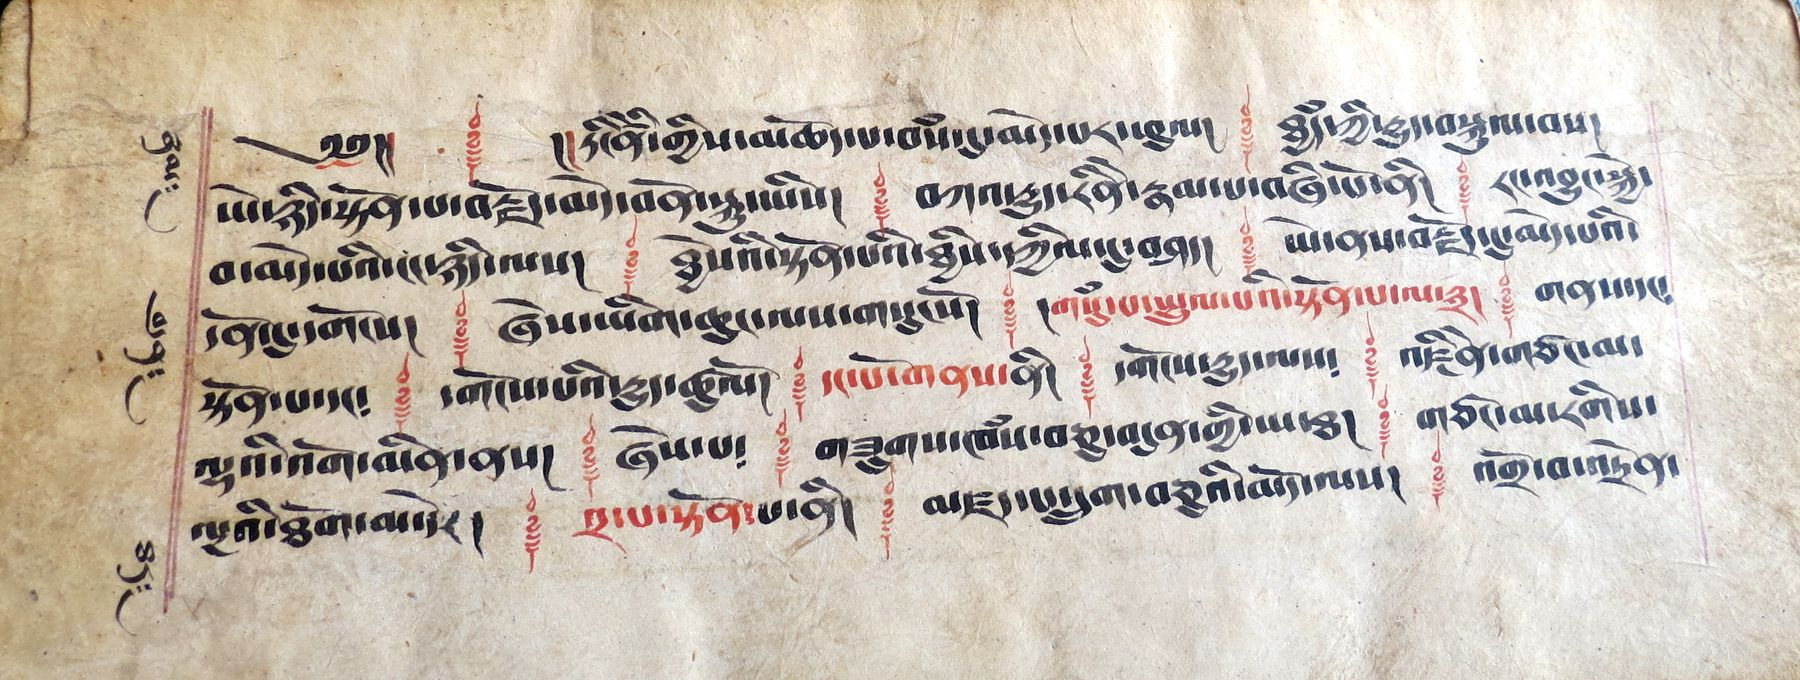ཏིང་ངེ་འཛིན་གྱིས་མཆོད་པ་བསམ་དུ་མེད་པ་ཕུལ། ཐུགས་དམ་གྱི་རྒྱུད་བསྐུལ་བས། 
ཡེ་ཉིད་སྟོན་པ་བརྗོད་མེད་བོན་སྐུ་ཡིས། བཀའ་རྒྱུད་རིན་ཆེན་རྣམ་པ་བཞི་པོ་ནི། རང་འབྱུང་སྐྱེ་
བ་མེད་པའི་ངང་ཉིད་ལས། ཐུགས་རྗེའི་སྟོན་པའི་ཐུགས་ཀྱི་དཀྱིལ་དུ་བཤད། ཡེ་ནས་བརྗོད་དུ་མེད་པའི་
དོན་དུ་དགོངས། ཞེས་ཡིག་ཆུང་ལས་གསུངས་སོ། ། གསུམ་པ་སྤྲུལ་པའི་སྟོན་པ་ལ་གསུམ། གནས་དང་། 
སྟོན་པ་དང་། དགོངས་པའི་བརྒྱུད་ཚུལ་ལོ། དང་པོ་གནས་ནི། (དགོངས་རྒྱུད་ལས) འཇིག་རྟེན་གཙང་མ་
ལྷའི་འོག་མིན་ན། ཞེས་པ། གཟུགས་ཁམས་བཅུ་བདུན་གྱི་ཡ་ཐ། གཙང་མ་རིགས་
ལྔའི་ཐོག་མ་དེའོ། ། གཉིས་པ་སྟོན་པ་ནི། མཛད་པ་དྲུག་ཅུའི་མདོ་ལས། འགྲོ་བ་འདྲེན་